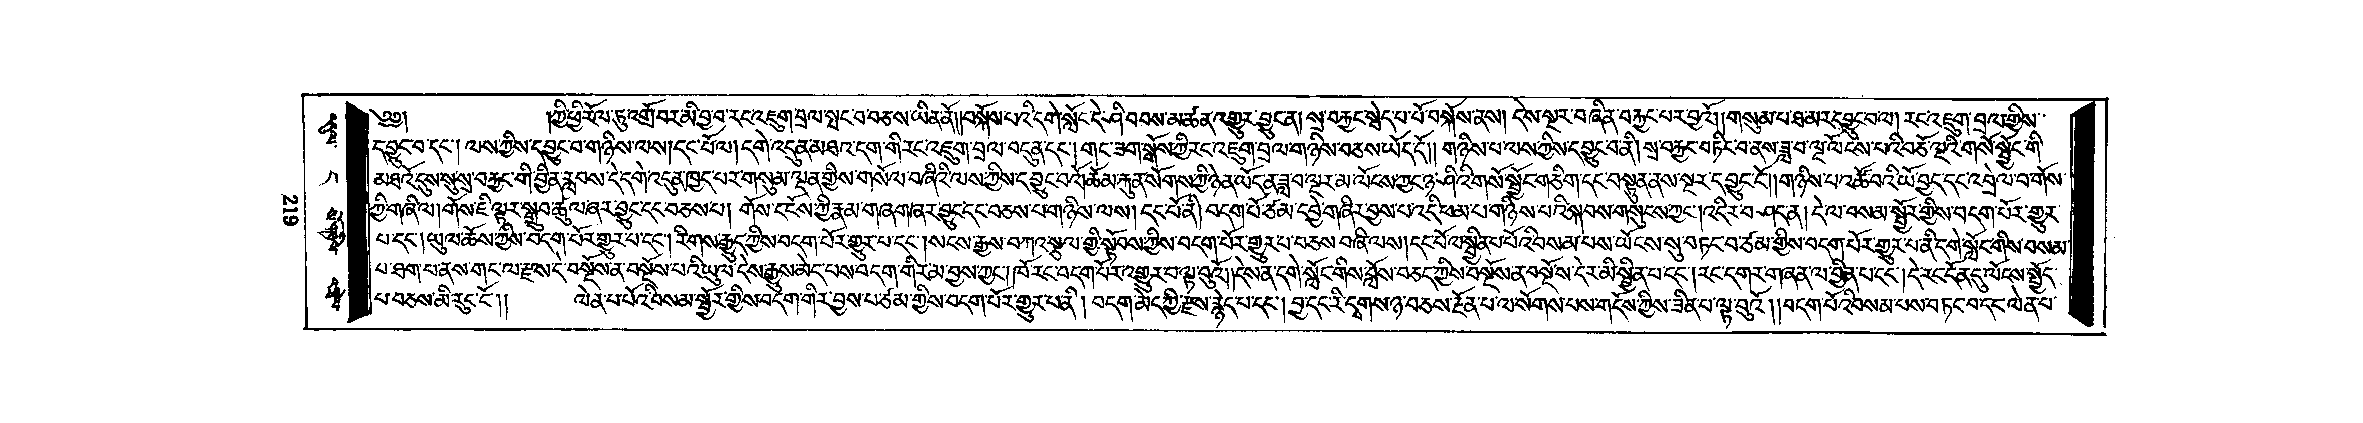༄༅། །ཀྱི་ཕྱི་རོལ་ཏུ་འགྲོ་བར་མི་བྱ་བ་རང་འཇུག་བྲལ་སྤང་བ་བཅས་ཡིན་ནོ། །བསྐོས་པའི་དགེ་སློང་དེ་ཤི་བབས་མཚན་འགྱུར་བྱུང་ན། སྲ་བརྐྱང་སྦེད་པ་པོ་བསྐོས་ནས། དེས་སྔར་བཞིན་བརྐྱང་པར་བྱའོ། །གསུམ་པ་ཐ་མར་དབྱུང་བ་ལ། རང་འཇུག་བྲལ་གྱིས་
དབྱུང་བ་དང་། ལས་ཀྱིས་དབྱུང་བ་གཉིས་ལས། དང་པོ་ལ། དགེ་འདུན་མཐའ་དག་གི་རང་འཇུག་བྲལ་བདུན་དང་། གང་ཟག་སྒོས་ཀྱི་རང་འཇུག་བྲལ་གཉིས་བཅས་ཡོད་དོ། །གཉིས་པ་ལས་ཀྱིས་དབྱུང་བ་ནི། སྲ་བརྐྱང་བཏིང་བ་ནས་ཟླ་བ་ལྔ་ལོངས་པའི་བཅོ་ལྔའི་གསོ་སྦྱོང་གི་
མཐའོ་དུས་སུ་སྲ་བརྐྱང་གི་བྱིན་རླབས་དེ་དགེ་འདུན་ཁྱད་པར་གསུམ་ལྡན་གྱིས་གསོལ་བཞིའི་ལས་ཀྱིས་དབྱུང་བའོ། །ཆོམ་རྐུན་སོགས་ཀྱི་ཉེན་ཡོད་ན་ཟླ་བ་ལྔར་མ་ལོངས་ཀྱང་ཉ་ཤིའི་གསོ་སྦྱོང་གཅིག་དང་བསྟུན་ནས་སྔར་དབྱུང་ངོ། །གཉིས་པ་འཚོ་བའི་ཡོད་བྱད་དང་འབྲེལ་བ་གོས་
ཀྱི་གཞི་ལ། གོས་ཇི་ལྟར་སྒྲུབ་ཚུལ་ཞར་བྱུང་དང་བཅས་པ། གསོ་དངོས་ཀྱི་རྣམ་གཞག་ཞར་བྱུང་དང་བཅས་པ་གཉིས་ལས། དང་པོ་ནི། བདག་པོ་ཙམ་དབྱེ་གཞིར་བྱས་པ་འདི་ཕམ་པ་གཉིས་པའི་སྐབས་གསུངས་ཀྱང་། འདིར་བཤད་ན། དེ་ལ་བསམ་སྦྱོར་གྱིས་བདག་པོར་གྱུར་
པ་དང་། ཡུལ་ཆོས་ཀྱིས་བདག་པོར་གྱུར་པ་དང་། རིགས་རྒྱུད་ཀྱིས་བདག་པོར་གྱུར་པ་དང་། སངས་རྒྱས་བཀའ་སྩལ་གྱི་སྟོབས་ཀྱིས་བདག་པོར་གྱུར་པ་བཅས་བཞི་ལས། དང་པོ་ལ་སྦྱིན་པ་པོའི་བསམ་པས་ཡོངས་སུ་བཏང་བ་ཙམ་གྱིས་བདག་པོར་གྱུར་པ་ནི་དགེ་སློང་གིས་བསམ་
པ་ཐག་པ་ནས་གང་ལ་རྫས་དེ་བསྡོས་ན་བསྔོས་པའི་ཡུལ་དེས་རྒྱུས་མེད་པས་བདག་གིར་མ་བྱས་ཀྱང་། ཁོ་རང་བདག་པོར་འགྱུར་བ་ལྟ་བུའོ། །དེས་ན་དགེ་སློང་གིས་བློས་བཅད་ཀྱིས་བསྡོས་ན་བསྡོས་དེར་མི་སྦྱིན་པ་དང་། རང་དགར་གཞན་ལ་བྱིན་པ་དང་། དེ་རང་དོན་དུ་ལོངས་སྤྱོད་
པ་བཅས་མི་རུང་ངོ། །ལེན་པ་པོའི་བསམ་སྦྱོར་གྱིས་བདག་གིར་བྱས་པ་ཙམ་གྱིས་བདག་པོར་གྱུར་པ་ནི། བདག་མེད་ཀྱི་རྫས་རྙེད་པ་དང་། བྱ་དང་རི་དྭགས་ཉ་བཅས་རྔོན་པ་ལ་སོགས་པས་གདོས་ཀྱིས་ཟིན་པ་ལྟ་བུའོ། །བདག་པོའི་བསམ་པས་བཏང་བ་དང་ལེན་པ་